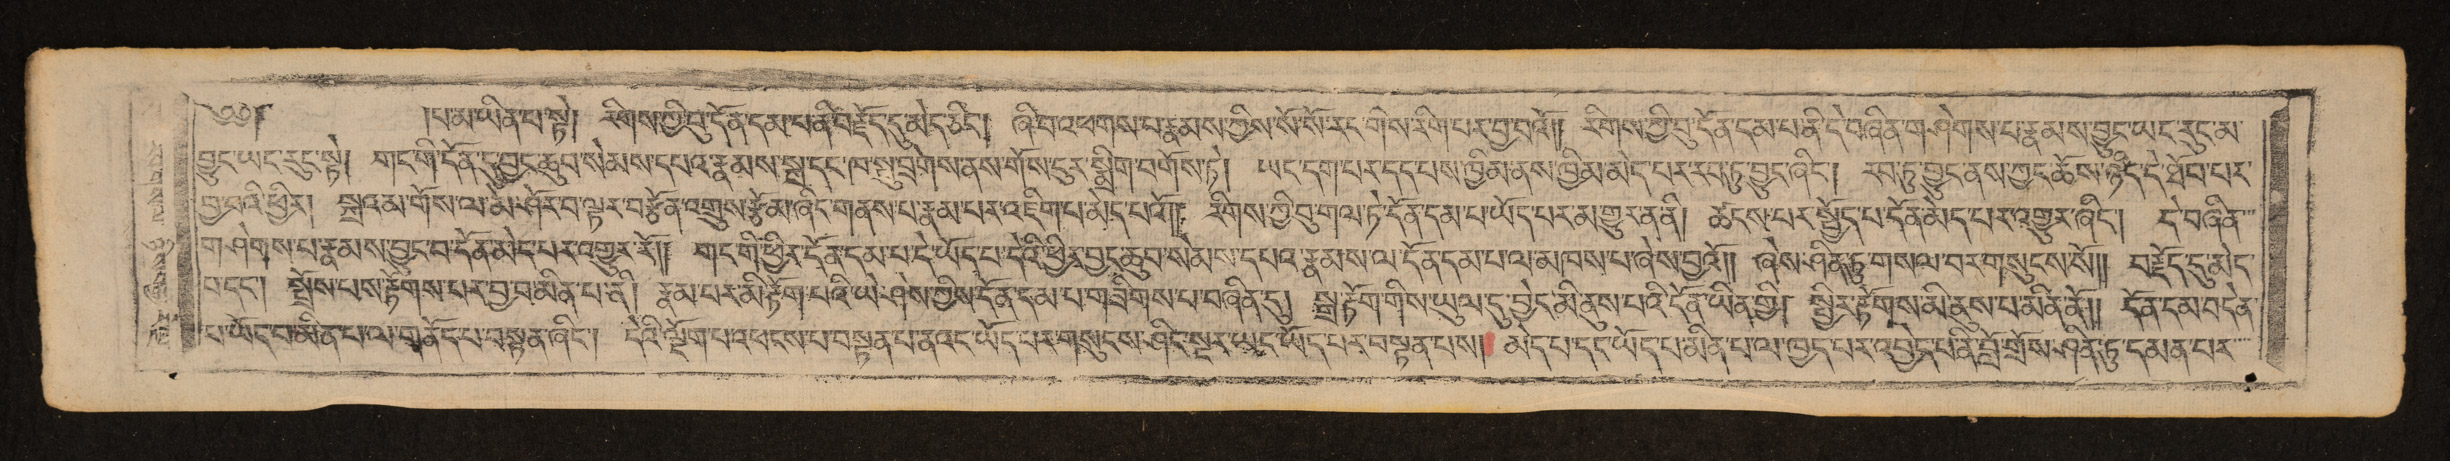༄༅། །པ་མ་ཡིན་པ་སྟེ། རིགས་ཀྱི་བུ་དོན་དམ་པ་ནི་བརྗོད་དུ་མེད་ཅིང་། ཞི་བ་འཕགས་པ་རྣམས་ཀྱིས་སོ་སོ་རང་གིས་རིག་པར་བྱ་བའོ།། རིགས་ཀྱི་བུ་དོན་དམ་པ་ནི་དེ་བཞིན་གཤེགས་པ་རྣམས་བྱུང་ཡང་རུང་མ་
བྱུང་ཡང་རུང་སྟེ། གང་གི་དོན་དུ་བྱང་ཆུབ་སེམས་དཔའ་རྣམས་སྐྲ་དང་ཁ་སྤུ་བྲེགས་ནས་གོས་ངུར་སྨྲིག་བགོས་ཏེ། ཡང་དག་པར་དད་པས་ཁྱིམ་ནས་ཁྱིམ་མེད་པར་རབ་ཏུ་བྱུང་ཞིང་། རབ་ཏུ་བྱུང་ནས་ཀྱང་ཆོས་ཉིད་དེ་ཐོབ་པར་
བྱ་བའི་ཕྱིར། སྐྲ་འམ་གོས་ལ་མེ་ཤོར་བ་ལྟར་བརྩོན་འགྲུས་རྩོམ་ཞིང་གནས་པ་རྣམ་པར་འཇིག་པ་མེད་པའོ།། རིགས་ཀྱི་བུ་གལ་ཏེ་དོན་དམ་པ་ཡོད་པར་མ་གྱུར་ན་ནི། ཚངས་པར་སྤྱོད་པ་དོན་མེད་པར་འགྱུར་ཞིང་། དེ་བཞིན་
གཤེགས་པ་རྣམས་བྱུང་བ་དོན་མེད་པར་འགྱུར་རོ།། གང་གི་ཕྱིར་དོན་དམ་པ་དེ་ཡོད་པ་དེའི་ཕྱིར་བྱང་ཆུབ་སེམས་དཔའ་རྣམས་ལ་དོན་དམ་པ་ལ་མཁས་པ་ཞེས་བྱའོ།། ཞེས་ཤིན་ཏུ་གསལ་བར་གསུངས་སོ།། བརྗོད་དུ་མེད་
པ་དང་། སྤྲོས་པས་རྟོགས་པར་བྱ་བ་མིན་པ་ནི། རྣམ་པར་མི་རྟོག་པའི་ཡེ་ཤེས་ཀྱིས་དོན་དམ་པ་གཟིགས་པ་བཞིན་དུ། སྒྲ་རྟོག་གིས་ཡུལ་དུ་བྱེད་མི་ནུས་པའི་དོན་ཡིན་གྱི། སྤྱིར་རྟོགས་མི་ནུས་པ་མིན་ནོ།། དོན་དམ་བདེན་
པ་ཡོད་པ་མིན་པ་ལ་གནོད་པ་བསྟན་ཞིང་། དེའི་ལྡོག་པ་འཕངས་པ་བསྟན་པ་ནའང་ཡོད་པར་གསུངས་ཤིང་སྔར་ཡང་ཡོད་པར་བསྟན་པས། མེད་པ་དང་ཡོད་པ་མིན་པ་ལ་ཁྱད་པར་འབྱེད་པ་ནི་བློ་གྲོས་ཤིན་ཏུ་དམན་པར་